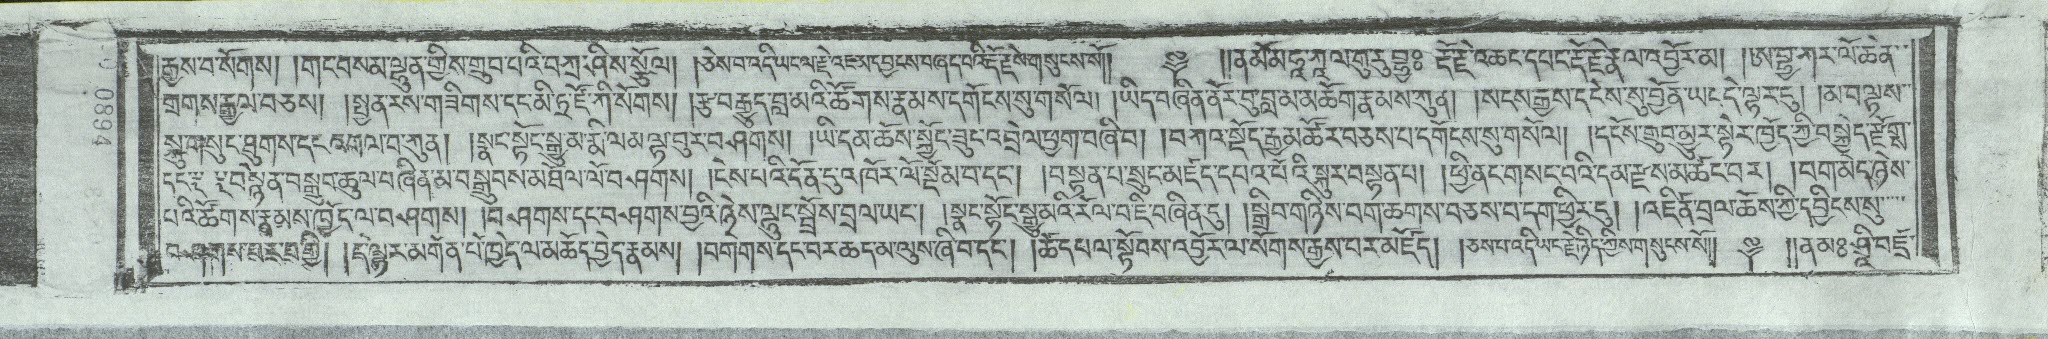རྒྱས་བ་སོགས། །གང་བསམ་ལྷུན་གྱིས་གྲུབ་པའི་བཀྲ་ཤིས་སྩོལ། །ཅེས་བ་འདི་ཡང་ལ་རྗེ་འཇམ་དབྱངས་བཞད་པའི་རྡོ་རྗེ་གསུངས་སོ།། ༈ །།ན་མོ་མ་ཧཱ་ཀཱ་ལ་གུ་རུ་བྷྱཿ རྡོ་རྗེ་འཆང་དབང་རྡོ་རྗེ་རྣལ་འབྱོར་མ། །ཨ་བྷྱ་ཀར་ལོ་ཆེན་
གྲགས་རྒྱལ་བཅས། །སྤྱན་རས་གཟིགས་དང་མི་ཏྲ་ཛོ་ཀི་སོགས། །རྩ་བརྒྱུད་བླ་མའི་ཚོགས་རྣམས་དགོངས་སུ་གསོལ། །ཡིད་བཞིན་ནོར་བུ་བླ་མ་མཆོག་རྣམས་ཀུན། །སངས་རྒྱས་དངེས་སུ་བྱོན་ཡང་དེ་ལྟར་དུ། །མ་བལྟས་
སྐུ་གསུང་ཐུགས་དང་འགལ་བ་ཀུན། །སྣང་སྟོང་སྒྱུ་མ་རྨི་ལམ་ལྟ་བུར་བཤགས། །ཡི་དམ་ཆོས་སྐྱོང་ཟུང་འབྲེལ་ཕྱག་བཞི་བ། །བཀའ་སྡོད་རྒྱ་མཚོར་བཅས་པ་དགོངས་སུ་གསོལ། །དངོས་གྲུབ་མྱུར་སྟེར་ཁྱོད་ཀྱི་བསྐྱེད་རྫོགས་
དང༑ ༑བསྙེན་བསྒྲུབ་ཆུལ་བཞིན་མ་བསྒྲུབས་མཐོལ་ལོ་བཤགས། །ངེས་པའི་དོན་དུ་འཁོར་ལོ་སྡོམ་བ་དང་། །བསྟན་པ་སྲུང་མཛད་དཔའ་པོའི་སྐུར་བསྟན་པ། །ཕྱི་ནང་གསང་བའི་དམ་རྫས་མ་ཚང་བར། །བག་མེད་ཉེས་
པའི་ཚོགས་རྣམས་ཁྱོད་ལ་བཤགས། །བཤགས་དང་བཤགས་བྱའི་ཉེས་ལྟུང་སྦྲོས་བྲལ་ཡང་། །སྣང་སྟོང་སྒྱུ་མའི་རོལ་བ་ཇི་བཞིན་དུ། །སྒྲིབ་གཉིས་བག་ཆགས་བཅས་པ་དག་ཕྱིར་དུ། །འཛིན་བྲལ་ཆོས་ཀྱི་དབྱིངས་སུ་
བཤགས་པར་བགྱི། །དེ་ལྟར་མགོན་པོ་ཁྱེད་ལ་མཆོད་བྱེད་རྣམས། །བགེགས་དང་བར་ཆད་མ་ལུས་ཞི་བ་དང་། །ཚེ་དཔལ་སྟོབས་འབྱོར་ལ་སོགས་རྒྱས་པར་མཛོད། །ཅས་པ་འདི་ཡང་རྗེ་ཉིད་ཀྱིས་གསུངས་སོ།། ༈ །།ན་མཿ ཤྲཱི་བྫྲ་